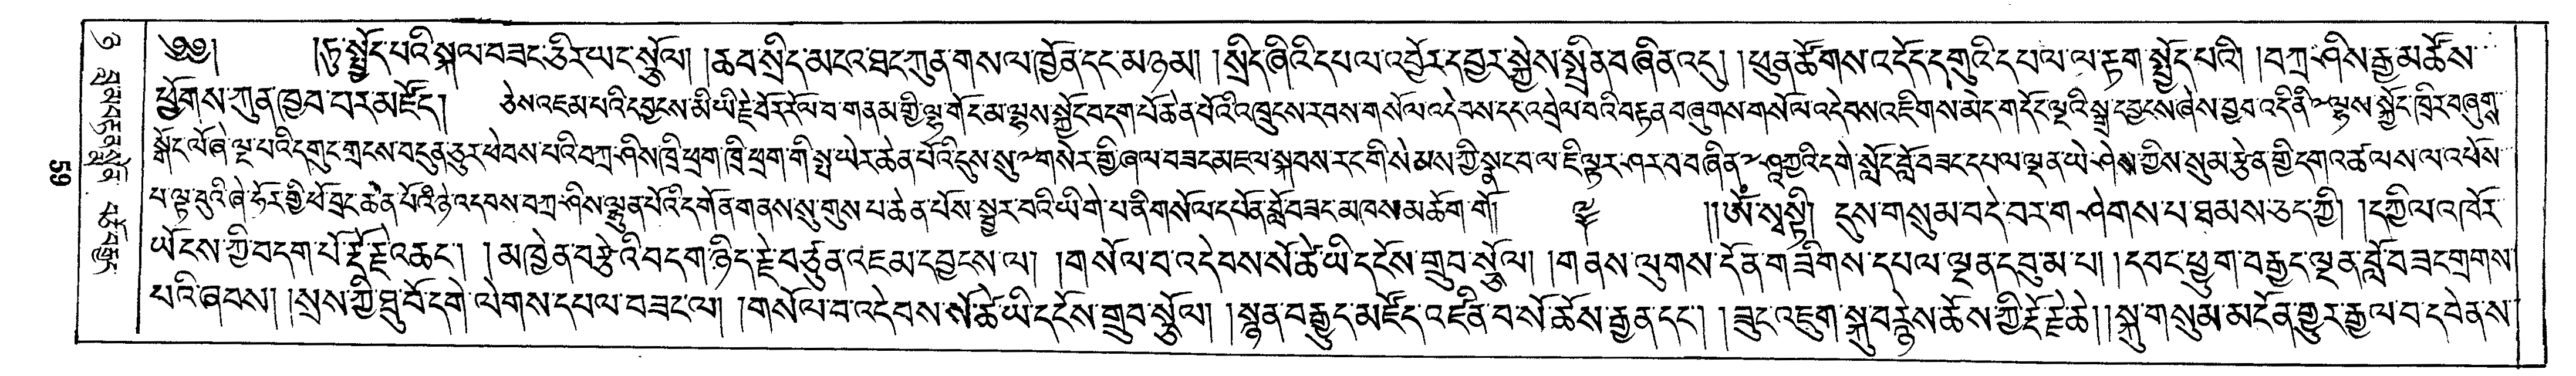༄༅། །ཏུ་སྤྱོད་པའི་སྐལ་བཟང་ཅིར་ཡང་སྩོལ། །ཆབ་སྲིད་མངའ་ཐད་ཀུན་གསལ་ཁྱོན་དང་མཉམ། །སྲིད་ཞིའི་དཔལ་འབྱོར་དབྱར་སྐྱེས་སྤྲིན་བཞིན་འདུ། །ཕུན་ཚོགས་འདོད་དགུའི་དཔལ་ལ་རྟག་སྤྱོད་པའི། །བཀྲ་ཤིས་རྒྱ་མཚོས་
ཕྱོགས་ཀུན་ཁྱབ་པར་མཛོད། ཅེས་འཇམ་པའི་དབྱངས་མི་ཡི་རྗེ་པོར་རོལ་པ་གནམ་གྱི་ལྷ་གོང་མ་ལྷས་སྐྱོང་བདག་པོ་ཆེན་པོའི་འཁྲུངས་རབས་གསོལ་འདེབས་དང་འབྲེལ་བའི་བརྟན་བཞུགས་གསོལ་འདེབས་འཇིགས་མེད་གདོང་ལྔའི་སྒྲ་དབྱངས་ཞེས་བྱ་བ་འདི་ནི ༧ལྷས་སྐྱོང་ཁྲི་རབ་ཞུག?
སྒོང་ལོ་ཞེ་ལྔ་པའི་དགུང་གྲངས་བདུན་ཅུར་ཕེབས་པའི་བཀྲ་ཤིས་ཁྲི་ཕྲག་ཁྲི་ཕྲག་གི་སྤ་ཡེར་ཆེན་པོའི་དུས་སུ ༧གསེར་གྱི་ཞལ་བཟང་མཇལ་སྐབས་རང་གི་སེམས་ཀྱི་སྣང་བ་ལ་ཇི་ལྟར་ཤར་བ་བཞིན ༧ཤཱཀྱའི་དགེ་སློང་བློ་བཟང་དཔལ་ལྡན་ཡེ་ཤེས་ཀྱིས་སུམ་རྩེན་གྱི་དགའ་ཚལ་ས་ལ་འཕོས་
པ་ལྟ་བུའི་ཞེ་ཧོར་གྱི་ཕོ་བྲང་ཆེན་པོའི་ཉེ་འདབས་བཀྲ་ཤིས་ལྷུན་པོའི་དགོན་གནས་སུ་གུས་པ་ཆེན་པོས་སྦྱར་བའི་ཡི་གེ་པ་ནི་གསོལ་དཔོན་བློ་བཟང་མཁས་མཆོག་གོ། ༈ །།ཨོཾ་སྭསྟི། དུས་གསུམ་བདེ་བར་གཤེགས་པ་ཐམས་ཅད་ཀྱི། །དཀྱིལ་འཁོར་
ཡོངས་ཀྱི་བདག་པོ་རྡོ་རྗེ་འཆང་། །མཁྱེན་བརྩེའི་བདག་ཉིད་རྗེ་བཙུན་འཇམ་དབྱངས་ལ། །གསོལ་བ་འདེབས་སོ་ཚེ་ཡི་དངོས་གྲུབ་སྩོལ། །གནས་ལུགས་དོན་གཟིགས་དཔལ་ལྡན་དབུ་མ་པ། །དབང་ཕྱུག་བརྒྱད་ལྡན་བློ་བཟང་གྲགས་
པའི་ཞབས། །སྲས་ཀྱི་ཐུ་བོ་དགེ་ལེགས་དཔལ་བཟང་ལ། །གསོལ་བ་འདེབས་སོ་ཚེ་ཡི་དངོས་གྲུབ་སྩོལ། །སྙན་བརྒྱུད་མཛོད་འཛིན་བ་སོ་ཆོས་རྒྱན་དང་། །ཟུང་འཇུག་སྐུ་བརྙེས་ཆོས་ཀྱི་རྡོ་རྗེ་ཆེ། །སྐུ་གསུམ་མངོན་གྱུར་རྒྱལ་བ་དཔེན་ས་